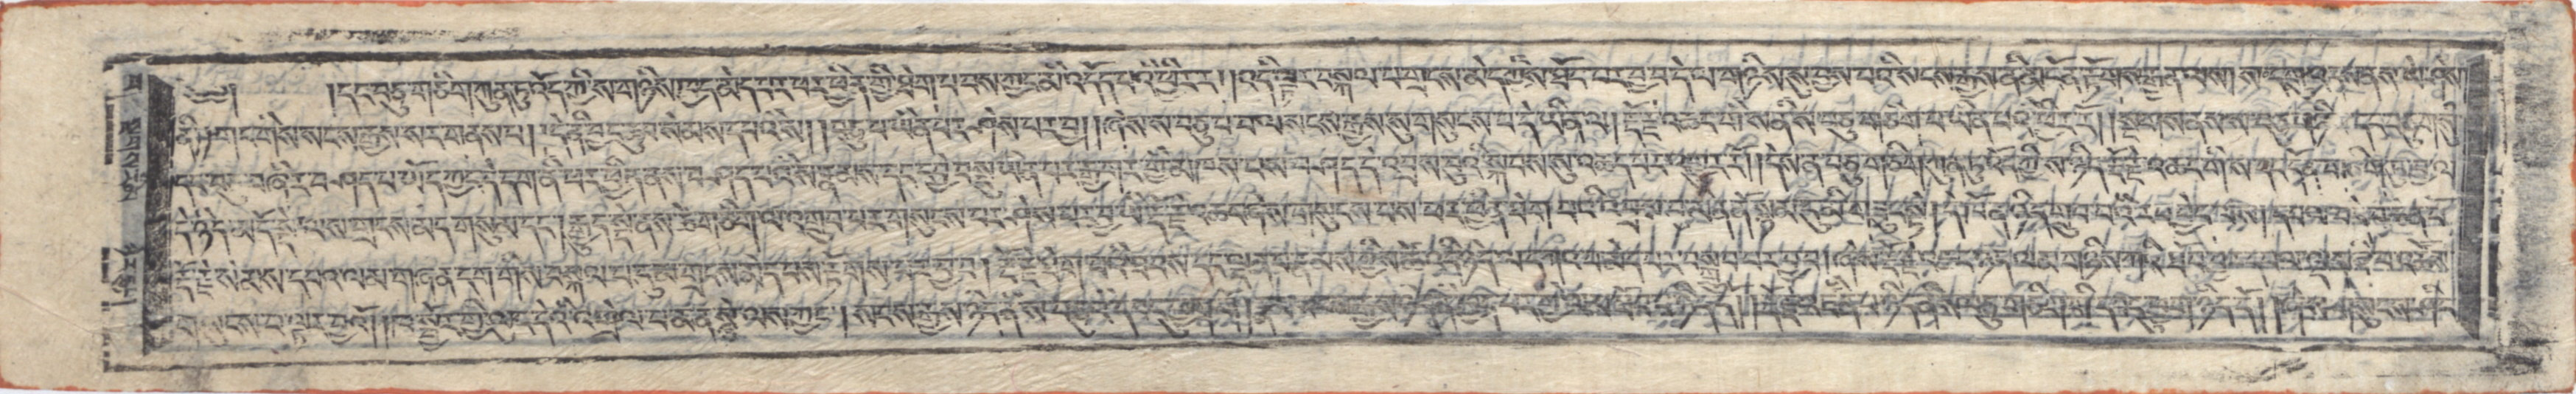༄༅། །དང་བཅུ་གཅིག་ཀུན་ཏུ་འོད་ཀྱི་ས་གཉིས་ཁྱད་མེད་པར་ཕར་ཕྱིན་གྱི་ཐེག་པ་བས་ཀྱང་མི་འདོད་པའི་ཕྱིར་རོ། །འདི་ལྟར་བསྐལ་པ་གྲངས་མེད་ཀྱིས་ཐོབ་པར་བྱ་བ་དེ་ལ་གཉིས་སུ་བྱས་པའི་སངས་རྒྱས་ནི་མངོན་རྟོགས་རྒྱན་ལས། ས་དགུ་འདས་ནས་ཡེ་ཤེས་
ནི༑ ༑གང་གིས་སངས་རྒྱས་སར་གནས་པ། །དེ་ནི་བྱང་ཆུབ་སེམས་དཔའི་ས། །བཅུ་པ་ཡིན་པར་ཤེས་པར་བྱ། །ཞེས་ས་བཅུ་པ་བ་ལ་སངས་རྒྱས་སུ་གསུངས་པ་དེ་ཡིན་ལ། རྡོ་རྗེ་འཆང་གི་ས་ནི་ས་བཅུ་གཅིག་པ་ཡིན་པའི་ཕྱིར་རོ། །སྔགས་ནས་ས་བཅུ་གཉིས་དང་བཅུ་གསུམ་
དང་བཅུ་བཞིར་བཤད་པ་ཡོད་ཀྱང་དེ་དག་ནི་ཕར་ཕྱིན་ནས་བཤད་པའི་ས་རྣམས་དང་དབྱེ་བསྡུ་ཡིན་པར་རྒྱ་གར་གྱི་མཁས་པས་བཤད་དེ་འབྲས་བུའི་སྐབས་སུ་འཆད་པར་འགྱུར་རོ། །དེས་ན་བཅུ་གཅིག་ཀུན་ཏུ་འོད་ཀྱི་ས་ཉིད་རྡོ་རྗེ་འཆང་གི་ས་དང་དོན་གཅིག་ཏུ་བྱ་ལ་
དེ་ཉིད་མདོ་སྡེ་ལས་གྲངས་མེད་གསུམ་དང་། རྒྱུད་སྡེ་ནས་ཚེ་གཅིག་ལ་འགྲུབ་པར་གསུངས་པར་ཤེས་པར་བྱ་ཡི་རྡོ་རྗེ་འཆང་ཞེས་གསུངས་པས་ཕར་ཕྱིན་ཐེག་པའི་འབྲས་བུ་མིན་ནོ་སྙམ་དུ་མི་གཟུང་སྟེ། དེ་ཁོ་ན་ཉིད་གྲུབ་པའི་རབ་བྱེད་ལས། དཔལ་བདེ་བ་ཆེན་པོ་
རྡོ་རྗེ་སེམས་དཔའ་ལམ་གཞན་དག་གིས་བསྐལ་པ་དུ་མ་གྲངས་མེད་པས་རྟོགས་པར་བྱ་བ། རྡོ་རྗེ་ཐེག་པའི་ཐབས་དང་ལྡན་པ་རྣམས་ཀྱིས་ཚེ་འདི་ཉིད་ལ་དཀའ་བ་མེད་པར་བསྒྲུབ་པར་བྱ་བ། ཞེས་རྡོ་རྗེ་འཆང་ཉིད་ལམ་གཉིས་ཀའི་ཐོབ་བྱར་དཔལ་ལྡན་ཞི་བ་འཚོས་
གསུངས་པ་ལྟར་བྱའོ། །ཁ་སྦྱོར་གྱི་ལུང་དེའི་འགྲེལ་པ་མན་སྙེ་ལས་ཀྱང་། སངས་རྒྱས་ཉིད་ནི་ས་བཅུའི་དབང་ཕྱུག་གོ །རྣམ་སངས་རྒྱས་ཉིད་ནི་ཁྱད་པར་གྱི་ལམ་ཐོབ་པ་ཉིད་དོ། །རྡོ་རྗེ་འཛིན་པ་ཉིད་ནི་ས་བཅུ་གཅིག་གི་དབང་ཕྱུག་ཉིད་དོ། །ཞེས་གསུངས་ཤིང་